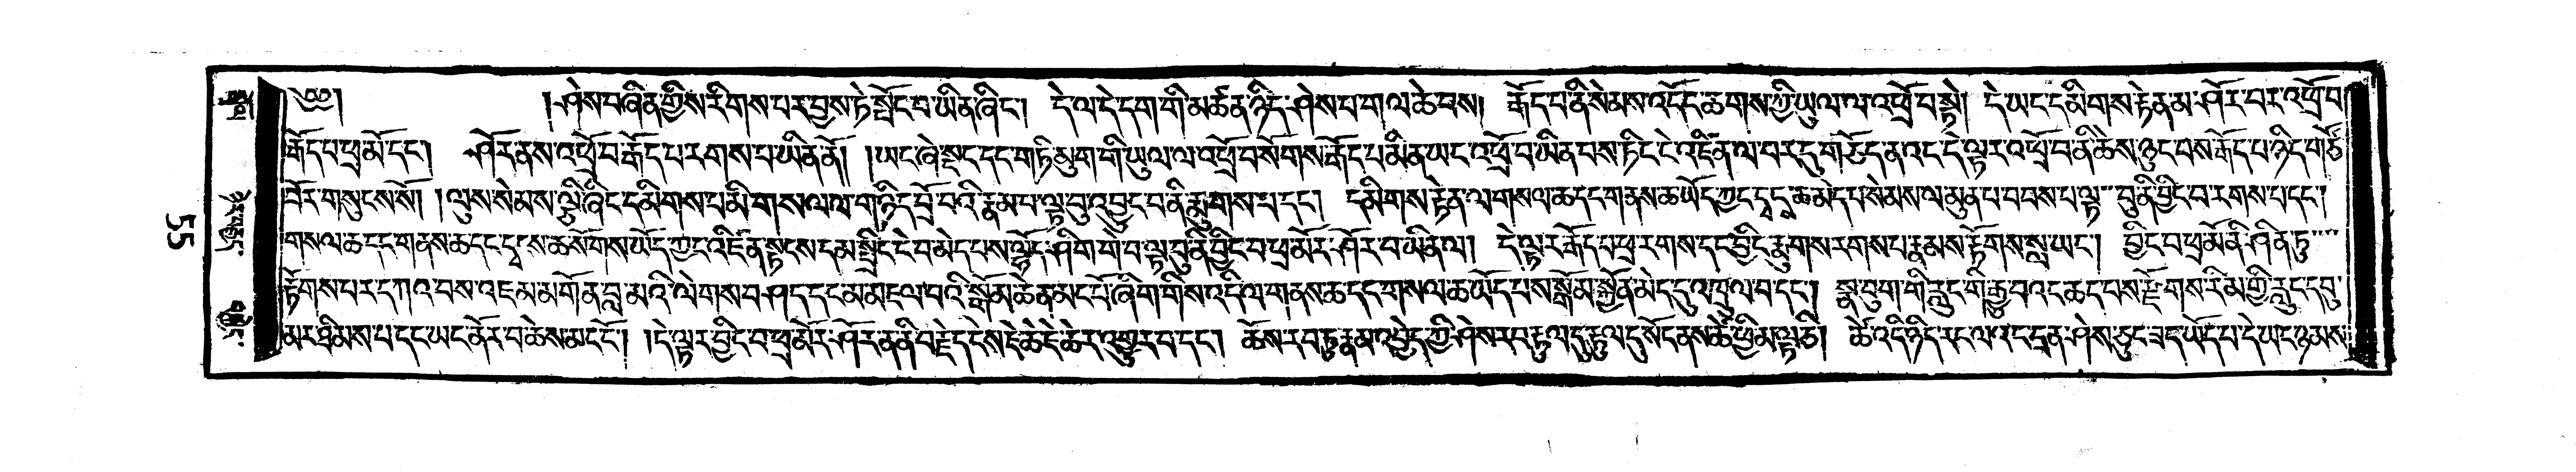༄༅། །ཤེས་བཞིན་གྱིས་རིག་པར་བྱས་ཏེ་སྤོང་བ་ཡིན་ཞིང་། དེ་ལ་དེ་དག་གི་མཚན་ཉིད་ཤེས་པ་གལ་ཆེ་བས། རྒོད་པ་ནི་སེམས་འདོད་ཆགས་ཀྱི་ཡུལ་ལ་འཕྲོ་བ་སྟེ། དེ་ཡང་དམིགས་རྟེན་མ་ཤོར་བར་འཕྲོ་བ་
རྒོད་པ་ཕྲ་མོ་དང་། ཤོར་ནས་འཕྲོ་བ་རྒོད་པ་རགས་པ་ཡིན་ནོ། །ཡང་ཞེ་སྡང་དང་གཏི་མུག་གི་ཡུལ་ལ་འཕྲོ་བ་སོགས་རྒོད་པ་མིན་ཡང་འཕྲོ་བ་ཡིན་པས་ཏིང་ངེ་འཛིན་ལ་བར་དུ་གཅོད་ནའང་དེ་ལྟར་འཕྲོ་བ་ནི་ཆེས་ཉུང་བས་རྒོད་པ་ཉིད་གཙོ་
བོར་གསུངས་སོ། །ལུས་སེམས་ལྕི་ཞིང་དམིགས་པ་མི་གསལ་ལ་གཉིད་བྲོ་བའི་རྣམ་པ་ལྟ་བུ་འབྱུང་བ་ནི་རྨུགས་པ་དང་། དམིགས་རྟེན་ལ་གསལ་ཆ་དང་གནས་ཆ་ཡོད་ཀྱང་དྭངས་ཆ་མེད་པ་སེམས་ལ་མུན་པ་བབས་པ་ལྟ་བུ་ནི་བྱིང་པ་རགས་པ་དང་། །
གསལ་ཆ་དང་གནས་ཆ་དང་དྭངས་ཆ་སོགས་ཡོད་ཀྱང་འཛིན་སྟངས་དམ་སྤྲིང་ངེ་བ་མེད་པས་ལྷོད་ཤིག་གེ་བ་ལྟ་བུ་ནི་བྱིང་བ་ཕྲ་མོར་ཤོར་བ་ཡིན་ལ། དེ་ལྟར་རྒོད་པ་ཕྲ་རགས་དང་བྱིང་རྨུགས་རགས་པ་རྣམས་རྟོགས་སླ་ཡང་། བྱིང་པ་ཕྲ་མོ་ནི་ཤིན་ཏུ་
རྟོགས་པར་དཀའ་བས་འཇམ་མགོན་བླ་མའི་ལེགས་བཤད་དང་མ་མཇལ་བའི་སྒོམ་ཆེན་མང་པོ་ཞིག་གིས་འདི་ལ་གནས་ཆ་དང་གསལ་ཆ་ཡོད་པས་སྒོམ་སྐྱོན་མེད་དུ་འཁྲུལ་པ་དང་། སྣ་བུག་གི་རླུང་གི་རྒྱུ་བའང་ཆད་པས་རྫོགས་རིམ་གྱི་རླུང་དབུ་
མར་ཐིམས་པ་དང་ཡང་ནོར་བ་ཆེས་མང་ངོ། །དེ་ལྟར་བྱིང་བ་ཕྲ་མོར་ཤོར་ན་ནི་བརྗེད་ངས་རྗེ་ཆེ་ཇེ་ཆེར་འགྱུར་བ་དང་། ཆོས་རབ་ཏུ་རྣམ་འབྱེད་ཀྱི་ཤེས་རབ་རྟུལ་དུ་རྟུལ་དུ་སོང་ནས་ཚེ་ཕྱི་མ་ལྟ་ཅི། ཚེ་འདི་ཉིད་རང་ལའང་དྲན་ཤེས་ཅུང་ཟད་ཡོད་པ་དེ་ཡང་ཉམས་